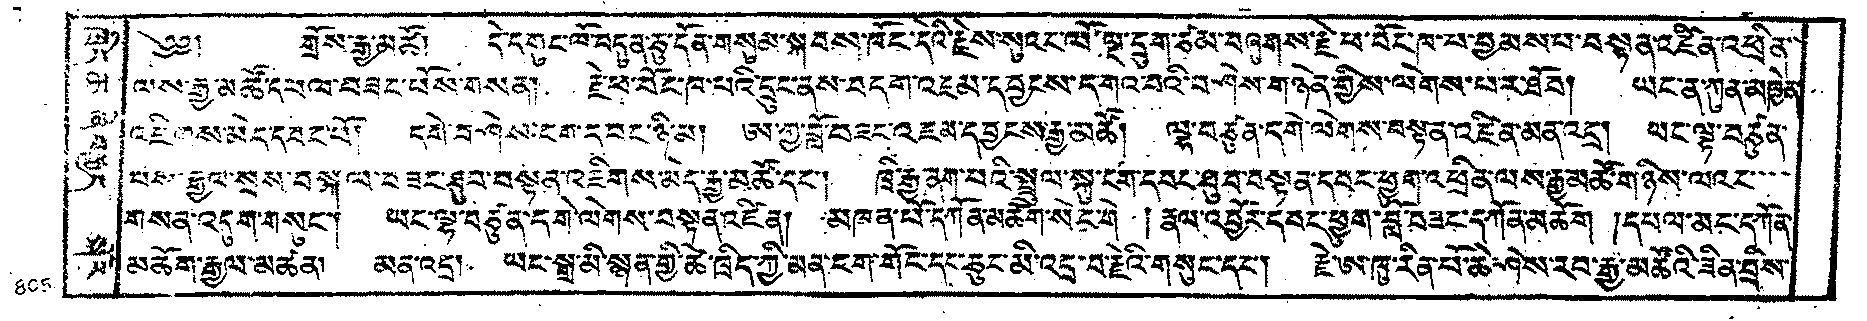༄༅། །གྲོས་རྒྱ་མཚོ། དེ་དགུང་ལོ་བདུན་ཅུ་དོན་གསུམ་སྐབས་ཁོང་དེའི་རྗེས་སུའང་ལོ་ལྔ་དྲུག་ཙམ་བཞུགས་རྗེ་ཕ་བོང་ཁ་པ་བྱམས་པ་བསྟན་འཛིན་འཕྲིན་
ལས་རྒྱ་མཚོ་དཔལ་བཟང་པོས་གསན། རྗེ་ཕ་བོང་ཁ་པའི་དྲུང་ནས་བདག་འཇམ་དབྱངས་དགའ་བའི་བཤེས་གཉེན་གྱིས་ལེགས་པར་ཐོབ། ཡང་ན་ཀུན་མཁྱེན་
འཇིགས་མེད་དབང་པོ། དགེ་བཤེས་ངག་དབང་ཉི་མ། ཨ་ཀྱ་བློ་བཟང་འཇམ་དབྱངས་རྒྱ་མཚོ། ལྷ་བཙུན་དགེ་ལེགས་བསྟན་འཛིན་མན་འདྲ། ཡང་ལྷ་བཙུན་
པས་རྒྱལ་སྲས་བསྐལ་བཟང་ཐུབ་བསྟན་འཇིགས་མེད་རྒྱ་མཚོ་དང་། ཁྲི་རྒྱ་ནག་པའི་སྤྲུལ་སྐུ་ངག་དབང་ཐུབ་བསྟན་དབང་ཕྱུག་འཕྲིན་ལས་རྒྱ་མཚོ་གཉིས་ལའང་
གསན་འདུག་གསུང་། ཡང་ལྷ་བཙུན་དགེ་ལེགས་བསྟན་འཛིན། མཁན་པོ་དཀོན་མཆོག་སེང་གེ །རྣལ་འབྱོར་དབང་ཕྱུག་བློ་བཟང་དཀོན་མཆོག །དཔལ་མང་དཀོན་
མཆོག་རྒྱལ་མཚན། མན་འདྲ། ཡང་སྒྲ་མི་སྙན་གྱི་ཚེ་ཁྲིད་ཀྱི་མན་ངག་གོང་དང་ཅུང་མི་འདྲ་བ་རྗེའི་གསུང་དང་། རྗེ་ཨ་ཁུ་རིན་པོ་ཆེ་ཤེས་རབ་རྒྱ་མཚོའི་ཟིན་བྲིས་